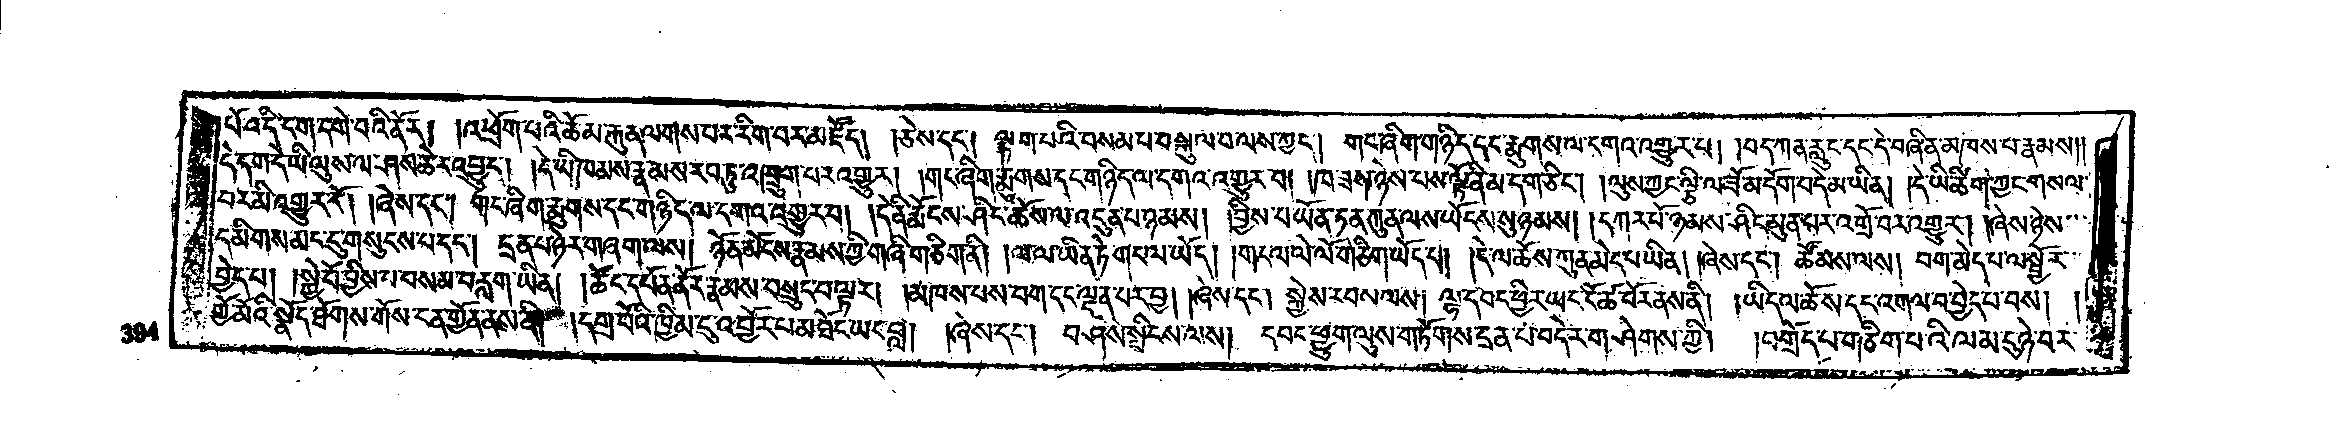པོ་འདི་དག་དགེ་བའི་ནོར། །འཕྲོག་པའི་ཆོམ་རྐུན་ལགས་པར་རིག་པར་མཛོད། །ཅེས་དང་། ལྷག་པའི་བསམ་པ་བསྐུལ་བ་ལས་ཀྱང་། གང་ཞིག་གཉིད་དང་རྨུགས་ལ་དགའ་འགྱུར་བ། །བད་ཀན་རླུང་དང་དེ་བཞིན་མཁྲིས་པ་རྣམས། །
དེ་དག་དེ་ཡི་ལུས་ལ་ཤས་ཆེར་འབྱུང་། །དེ་ཡི་ཁམས་རྣམས་རབ་ཏུ་འཁྲུག་པར་འགྱུར། །གང་ཞིག་རྨུགས་དང་གཉིད་ལ་དགའ་འགྱུར་བ། །ཁ་ཟས་ཉེས་པས་ལྟོ་ནི་མ་དག་ཅིང་། །ལུས་ཀྱང་ལྕི་ལ་ཟོ་མདོག་བདེ་མ་ཡིན། །དེ་ཡི་ཚིག་ཀྱང་གསལ་
བར་མི་འགྱུར་རོ། །ཞེས་དང་། གང་ཞིག་རྨུགས་དང་གཉིད་ལ་དགའ་འགྱུར་བ། །དེ་ནི་རྨོངས་ཤིང་ཆོས་ལ་འདུན་པ་ཉམས། །བྱིས་པ་ཡོན་ཏན་ཀུན་ལས་ཡོངས་སུ་ཉམས། །དཀར་པོ་ཉམས་ཤིང་མུན་པར་འགྲོ་བར་འགྱུར། །ཞེས་ཉེས་
དམིགས་མང་དུ་གསུངས་པ་དང་། དྲན་པ་ཉེར་གཞག་ལས། ཉོན་མོངས་རྣམས་ཀྱི་གཞི་གཅིག་ནི། །ལེ་ལོ་ཡིན་ཏེ་གང་ལ་ཡོད། །གང་ལ་ལེ་ལོ་གཅིག་ཡོད་པ། །དེ་ལ་ཆོས་ཀུན་མེད་པ་ཡིན། །ཞེས་དང་། ཚོམས་ལས། བག་མེད་པ་ལ་སྦྱོར་
བྱེད་པ། །སྐྱེ་བོ་བྱིས་པ་བསམ་བརླག་ཡིན། །ཚོང་དཔོན་ནོར་རྣམས་བསྲུང་བ་ལྟར། །མཁས་པས་བག་དང་ལྡན་པར་བྱ། །ཞེས་དང་། སྐྱེས་རབས་ལས། ལྷ་དབང་ཕྱིར་ཡང་ངོ་ཚ་བོར་ནས་ནི། །ཡིད་ལ་ཆོས་དང་འགལ་བ་བྱེད་པ་བས། །
གྱོ་མོའི་སྣོད་ཐོགས་གོས་ངན་གྱོན་ནས་ནི། །དགྲ་བོའི་ཁྱིམ་དུ་འབྱོར་པ་མཐོང་ཡང་བླ། །ཞེས་དང་། བཤེས་སྤྲིངས་ལས། དབང་ཕྱུག་ལུས་གཏོགས་དྲན་པ་བདེར་གཤེགས་ཀྱི། །བགྲོད་པ་གཅིག་པའི་ལམ་དུ་ཉེ་བར་